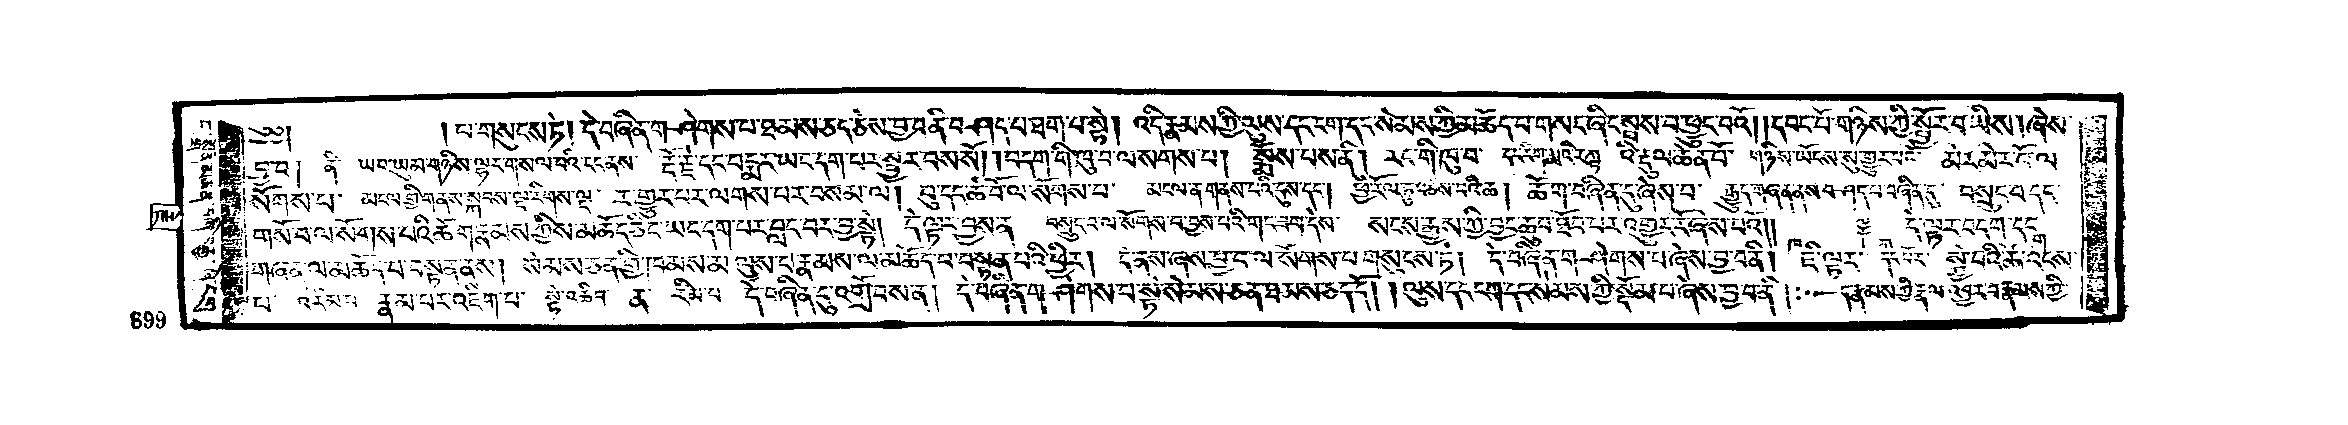༄༅། །པ་གསུངས་ཏེ། དེ་བཞིན་གཤེགས་པ་ཐམས་ཅད་ཅེས་བྱ་བ་ནི་བཤད་པ་ཐག་པ་སྟེ། འདི་རྣམས་ཀྱི་ལུས་དང་ངག་དང་སེམས་ཀྱི་མཆོད་པ་གསང་ཞིང་སྦས་པ་ཕྱུང་བའོ། །དབང་པོ་གཉིས་ཀྱི་སྦྱོར་བ་ཡིས། ཞེས་
བྱ་བ། ནི་ཡབ་ཡུམ་གཉིས་ལྷར་གསལ་བའི་ངང་ནས་རྡོ་རྗེ་དང་པདམར་ཡང་དག་པར་སྦྱོར་བས་སོ། །བདག་གི་ཁུ་བ་ལ་སོགས་པ། སྨོས་པས་ནི། རང་གི་ཁུ་བ་དང་རིག་མའི་རཀྟའི་རྡུལ་ཆེན་པོ་གཉིས་ཡོངས་སུ་གྱུར་པའོ་མེར་མེར་པོ་ལ་
སོགས་པ་མངལ་གྱི་གནས་སྐབས་ལྔ་རིགས་ལྔ་ར་གྱུར་པར་ལགས་པར་བསམ་ལ། བུ་དང་ཚ་པོ་ལ་སོགས་པ་མངལ་ན་གནས་པའི་དུས་དང་། ཕྱི་རོལ་ཏུ་བཙས་པའི་ཆ།  ཆོ་ག་བཞིན་དུ་ཞེས་པ་རྒྱུད་གཞན་ནས་བཤད་པ་བཞིན་དུ་བསྲུང་བ་དང་
གསོ་བ་ལ་སོགས་པའི་ཆོ་ག་རྣམས་ཀྱིས་མཆོད་ཅིང་ཡང་དག་པར་བླང་བར་བྱ་སྟེ། དེ་ལྟར་བྱས་ན་བསྲུང་བ་ལ་སོགས་པ་བྱས་པའི་གང་ཟག་དེས་སངས་རྒྱས་ཀྱི་བྱང་ཆུབ་ཐོབ་པར་འགྱུར་རོ་ཞེས་པའོ།། ༈ དེ་ལྟར་བདག་དང་
གཞན་ལ་མཆོད་པ་བསྟན་ནས། སེམས་ཅན་གྱི་ཁམས་མ་ལུས་པ་རྣམས་ལ་མཆོད་པ་བསྟན་པའི་ཕྱིར། དེ་ནས་ཞེས་བྱ་བ་ལ་སོགས་པ་གསུངས་ཏེ། དེ་བཞིན་གཤེགས་པ་ཞེས་བྱ་བ་ནི། ཁ་ཇི་ལྟར་ཀ་དང་པོར་སྐྱེ་བའི་ཚེ་ག་འོངས་
པའི་རིམ་པ་རྣམ་པར་འཇིག་པ་སྟེ་འཆི་བ་ན་རིམ་པ་དེ་བཞིན་དུ་འགྲོ་བས་ན། དེ་བཞིན་གཤེགས་པ་སྟེ་སེམས་ཅན་ཐམས་ཅད་དོ། །ལུས་དང་ངག་དང་སེམས་ཀྱི་སྡོམ་པ་ཞེས་བྱ་བ་ནི། H དེ་རྣམས་ཀྱི་རྣལ་འབྱོར་བ་རྣམས་ཀྱི་